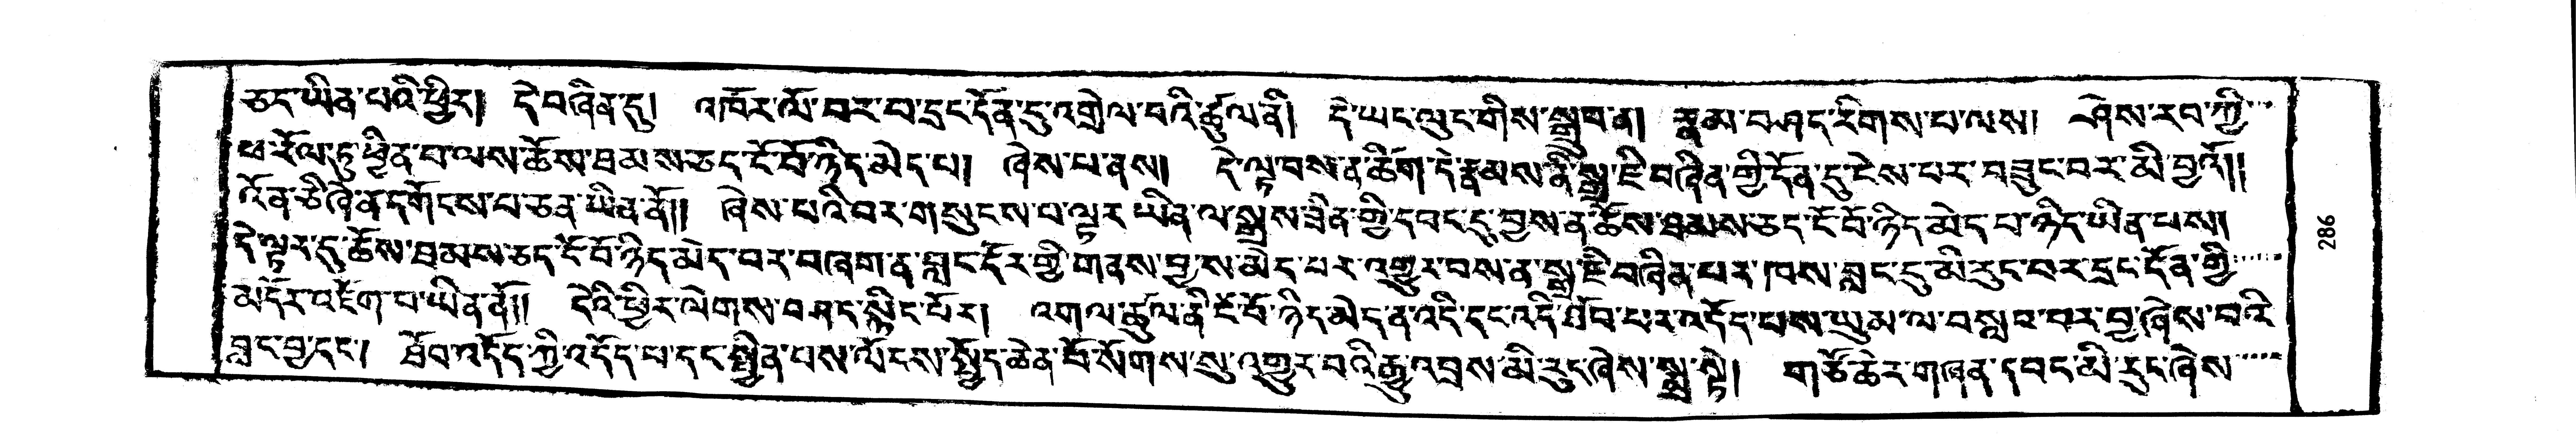ཅང་ཡིན་པའི་ཕྱིར། དེ་བཞིན་དུ། འཁོར་ལོ་བར་བ་དྲང་དོན་དུ་འགྲེལ་བའི་ཚུལ་ནི། དེ་ཡང་ལུང་གིས་སྒྲུབ་ན། རྣམ་བཤད་རིགས་པ་ལས། ཤེས་རབ་ཀྱི་
ཕ་རོལ་ཏུ་ཕྱིན་པ་ལས་ཆོས་ཐམས་ཅད་ངོ་བོ་ཉིད་མེད་པ། ཞེས་པ་ནས། དེ་ལྟ་བས་ན་ཚིག་དེ་རྣམས་ནི་སྒྲ་ཇི་བཞིན་གྱི་དོན་དུ་ངེས་པར་བཟུང་བར་མི་བྱའོ། །
འོ་ན་ཅི་ཞེ་ན་དགོངས་པ་ཅན་ཡིན་ནོ། །ཞེས་པའི་བར་གསུངས་པ་ལྟར་ཡིན་ལ་སྒྲས་ཟིན་གྱི་དབང་དུ་བྱས་ན་ཆོས་ཐམས་ཅད་ངོ་བོ་ཉིད་མེད་པ་ཉིད་ཡིན་པས།
དེ་ལྟར་དུ་ཆོས་ཐམས་ཅད་ངོ་བོ་ཉིད་མེད་པར་བཞག་ན་བླང་དོར་གྱི་གནས་བྱ་ས་མེད་པར་འགྱུར་བས་ན་སྒྲ་ཇི་བཞིན་པར་ཁས་བླང་དུ་མི་རུང་བར་དྲང་དོན་གྱི་
མདོར་འཇོག་པ་ཡིན་ནོ། །དེའི་ཕྱིར་ལེགས་བཤད་སྙིང་པོར། འགལ་ཚུལ་ནི་ངོ་བོ་ཉིད་མེད་ན་འདི་དང་འདི་ཐོབ་པར་འདོད་པར་ཡུམ་ལ་བསླབ་པར་བྱ་ཞེས་པའི་
བླང་བྱ་དང་། ཐོབ་འདོད་ཀྱི་འདོད་པ་དང་སྦྱིན་པས་ལོངས་སྤྱོད་ཆེན་པོ་སོགས་སུ་འགྱུར་པའི་རྒྱུ་འབྲས་མི་རུང་ཞེས་སྨྲ་སྟེ། གཙོ་ཆེར་གཞན་དབང་མི་རུང་ཞེས་